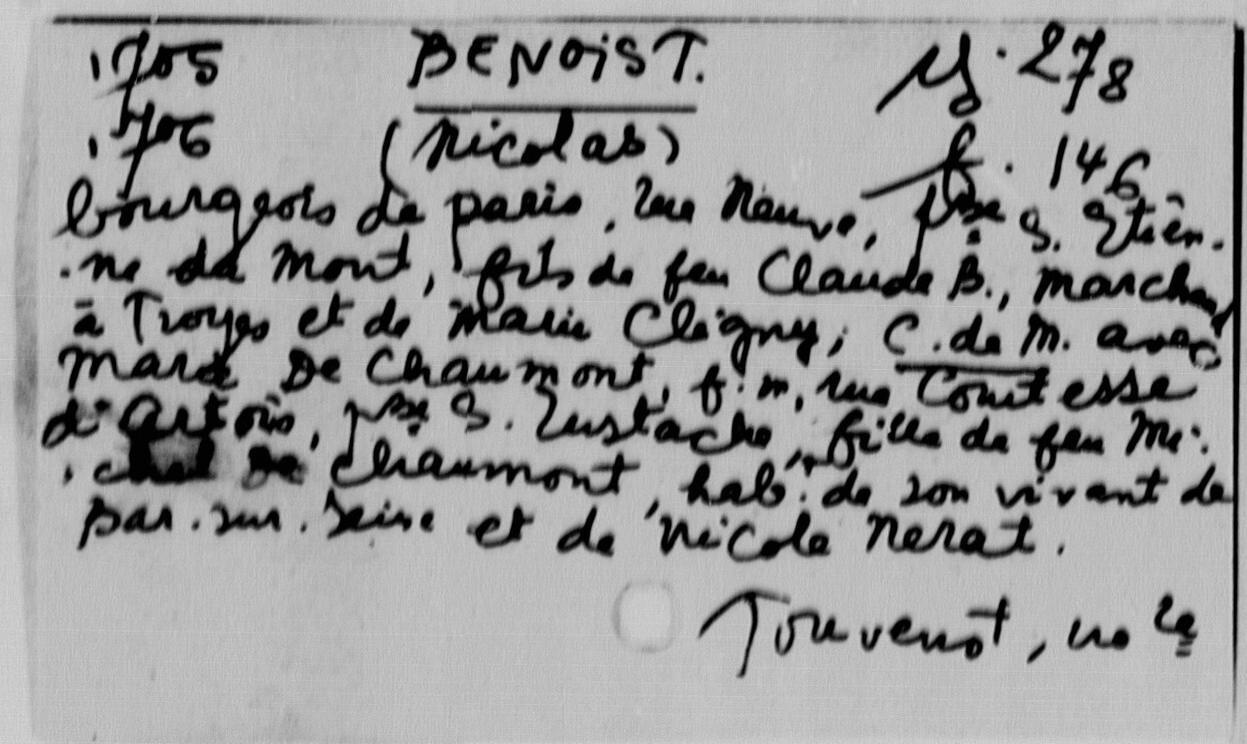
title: BENOIST (Nicolas)
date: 1705-1706
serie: Y
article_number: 278
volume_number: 146
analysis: Bourgeois de Paris, rue Neuve, paroisse Saint-Étienne du Mont, fils de feu Claude B., marchand à Troyes et de Marie Cligny. Contrat de mariage avec Marie De Chaumont, fille majeure, rue Comtesse d'Artois, paroisse Saint-Eustache, fille de feu Michel de Chaumont, habitant de son vivant de Bar-sur-Seine et de Nicole Nerat. Touvenot, notaire.
